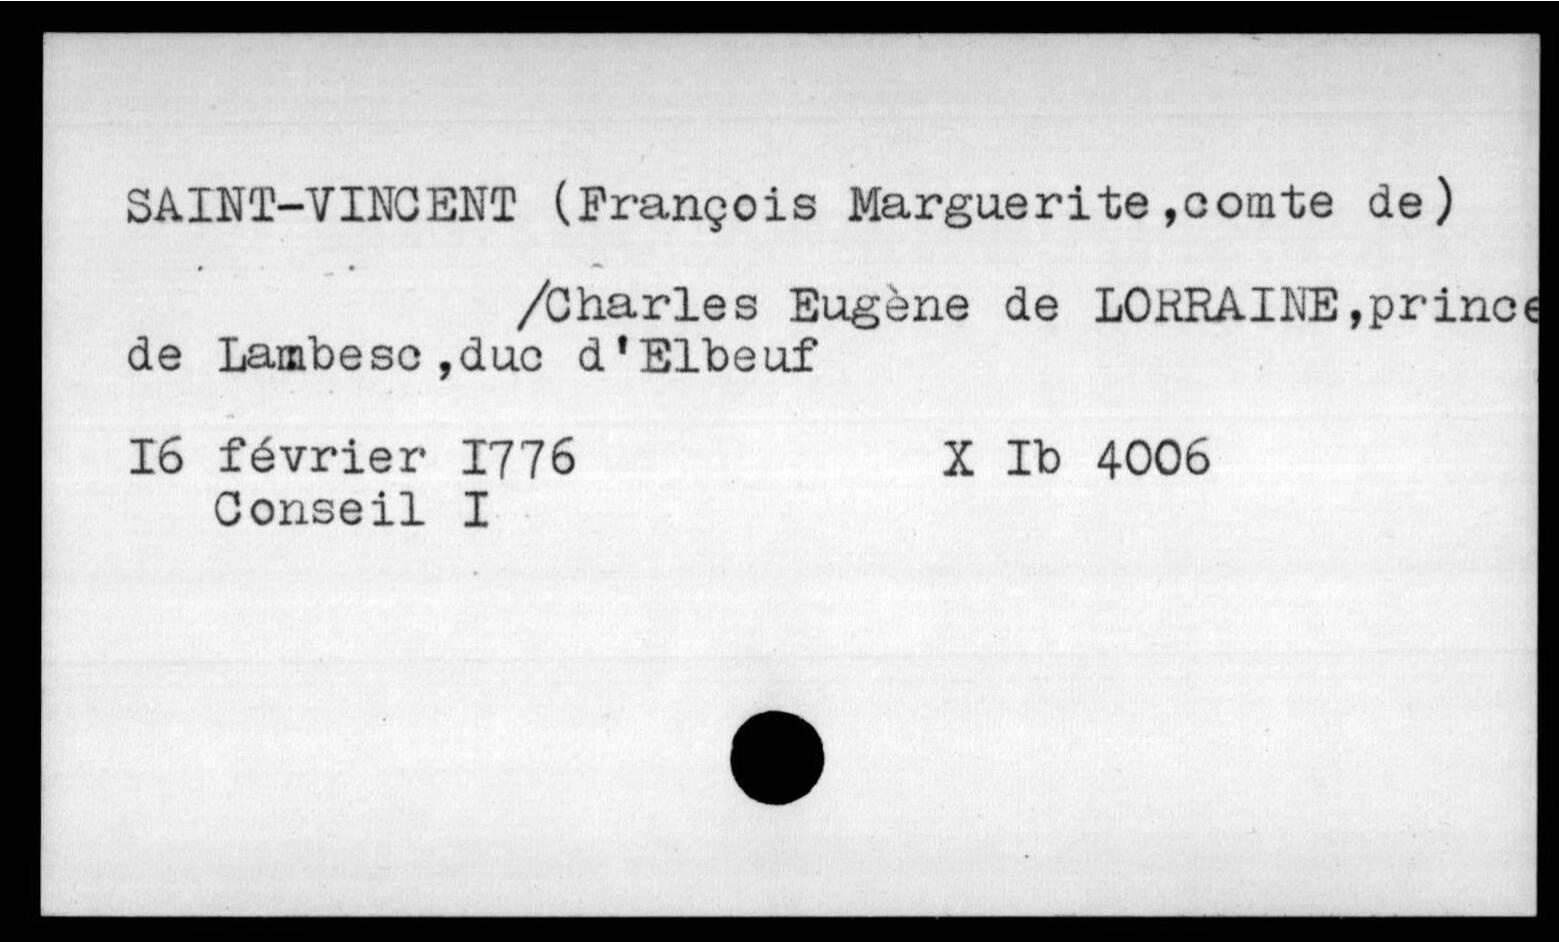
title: SAINT-VINCENT (François Marguerite, comte de)
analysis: Contre Charles Eugene de LORRAINE, prince de Lambesc, duc d'Elbeuf
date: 16 février 1776
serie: X1b
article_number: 4006
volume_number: Conseil, I
